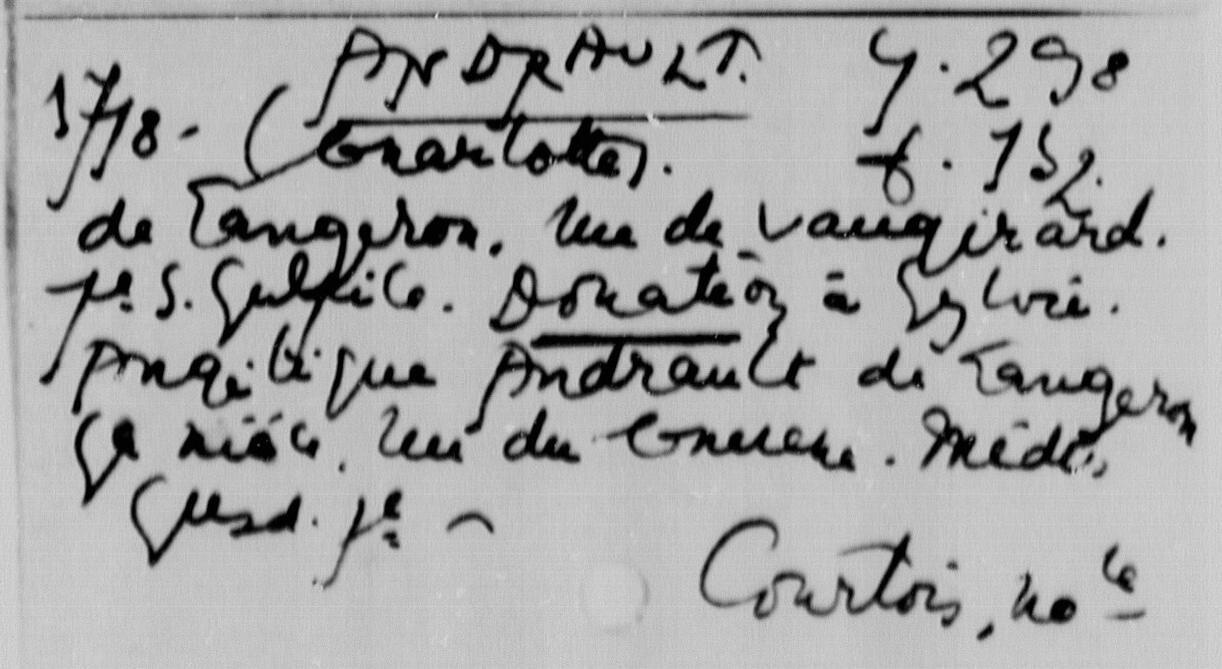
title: ANDRAULT DE LANGERON (Charlotte)
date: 1718
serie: Y
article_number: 298
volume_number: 132
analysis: DE LANGERON, rue de Vaugirard, paroisse Saint-Sulpice. Donation à Sylvie Angélique ANDRAULT de LANGERON, sa nièce, rue du Cherche-Midi, susdite paroisse. Courtois, notaire.
